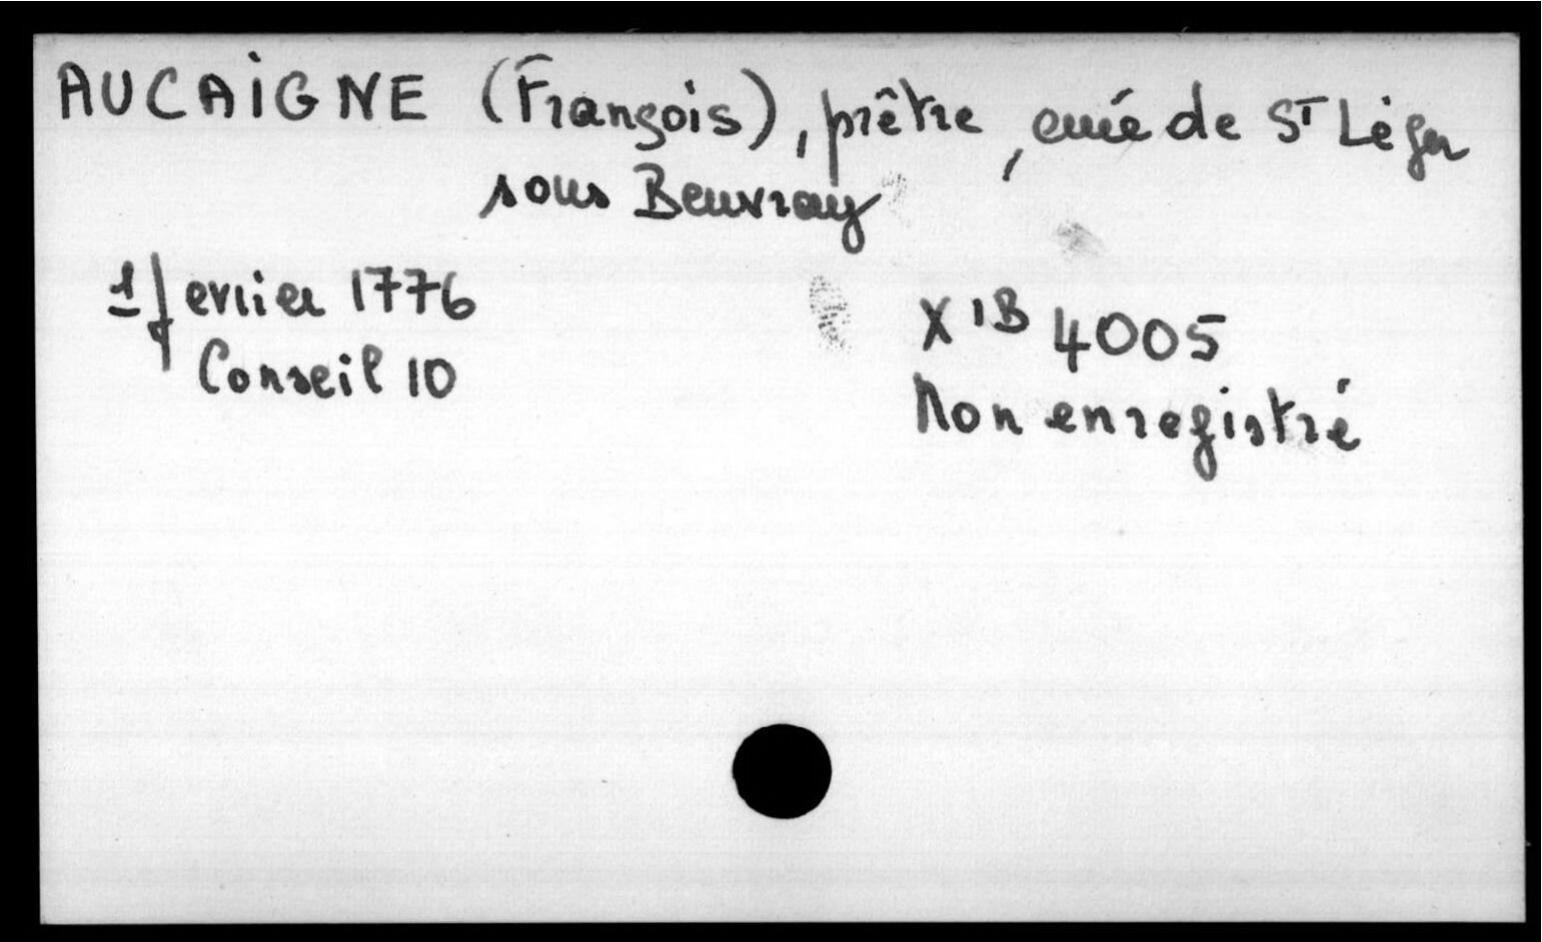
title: AUCAIGNE (François), prêtre, curé de Saint-Léger sous Beuvray
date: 1 février 1776
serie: X1B
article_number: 4005
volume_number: Conseil 10 non enregistré
